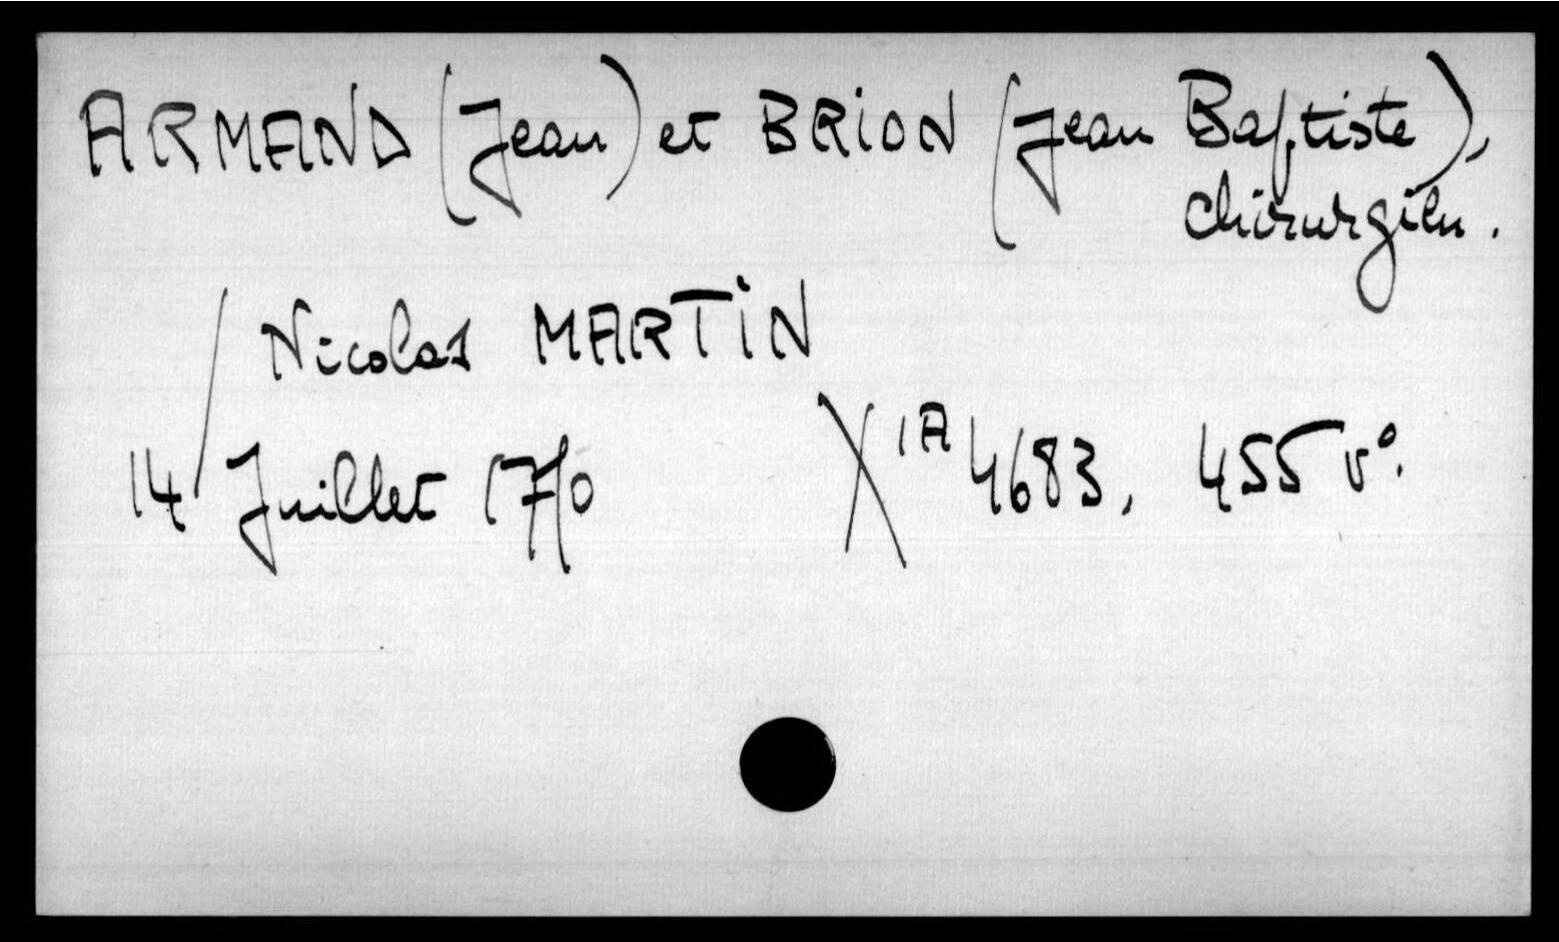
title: ARMAND (Jean) et BRION (Jean Baptiste), chirurgien.
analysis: Contre Nicolas MARTIN
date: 14 juillet 1770
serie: X1A
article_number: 4683
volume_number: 455v
